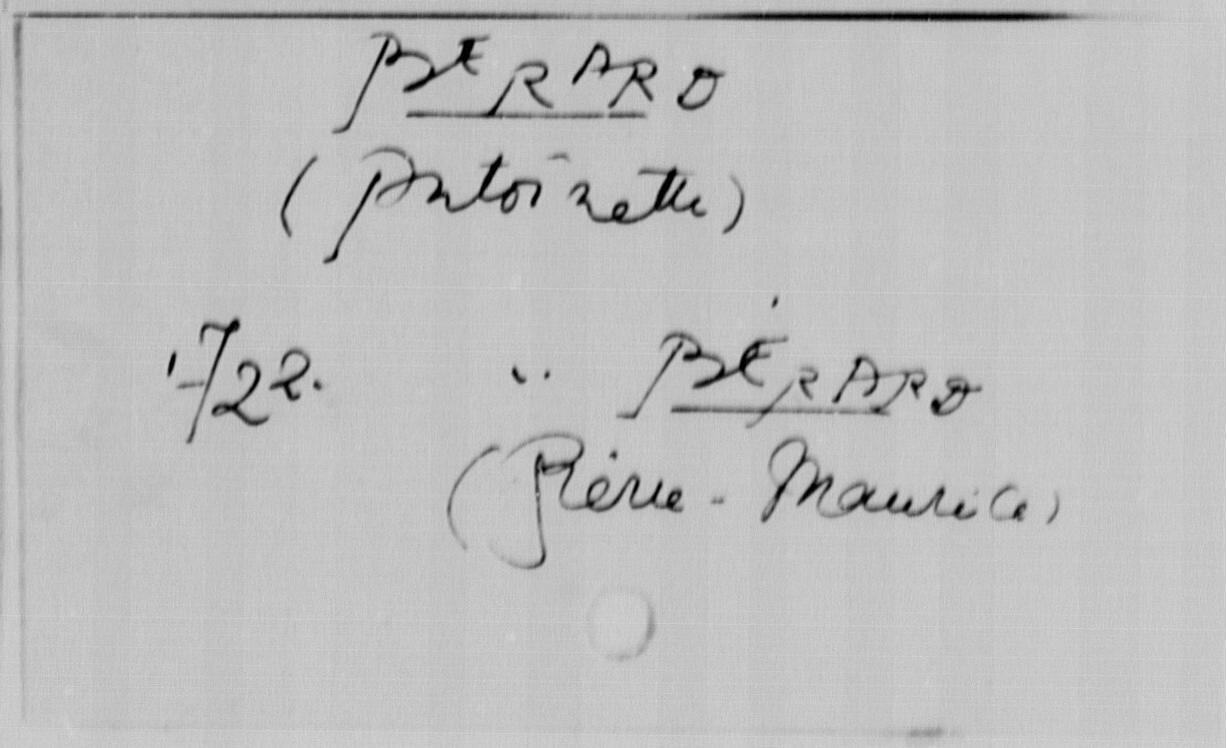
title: BERARD (Antoinette)
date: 1722
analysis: Voir : BERARD (Pierre-Maurice)
